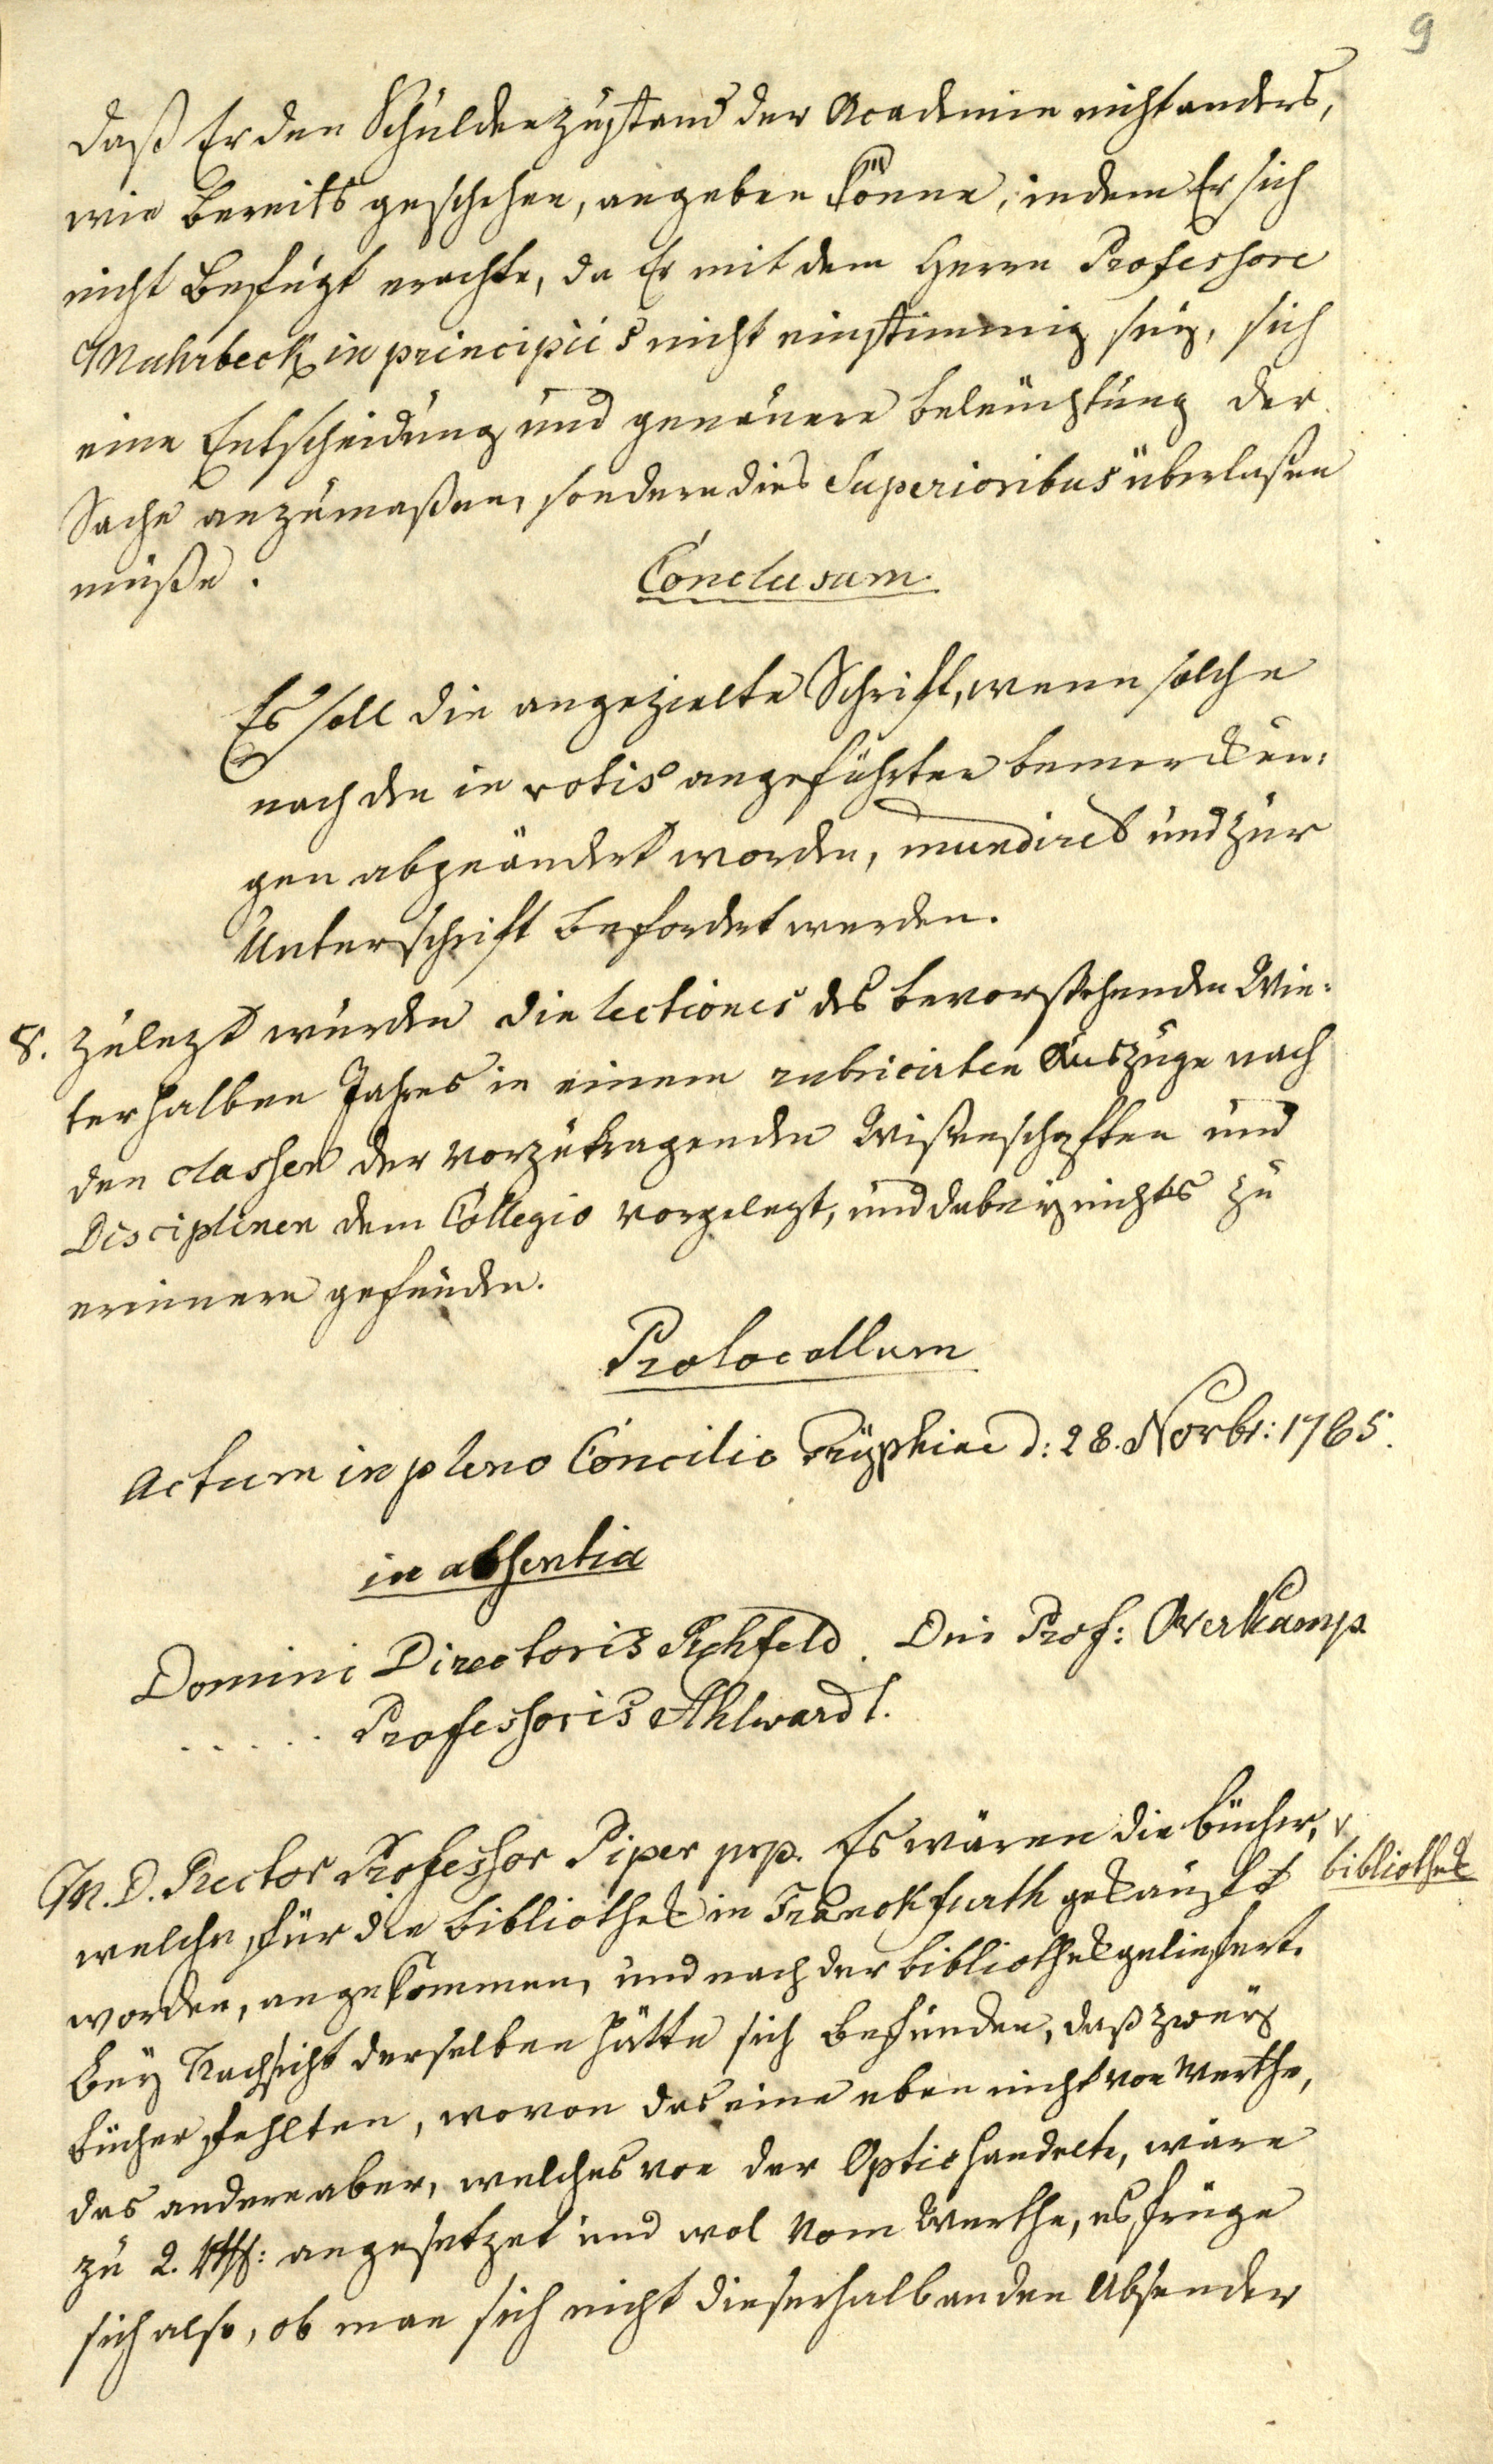daß Er den Schuldenzustand der Academie nicht anders,
wie bereits geschehen, angeben könne, indem Er sich
nicht befugt erachte, da Er mit dem Herrn Professore
Muhrbeck in principiis nicht einstimmig seÿ, sich
eine Entscheidung und genauere Beleuchtung der
Sache anzumaßen, sondern dies Superioribus überlaßen
müße.
Conclusum
Es soll die angezielte Schrift, wenn solche
nach den in votis angeführten Bemerckun¬
gen abgeändert worden, mundiret und zur
Unterschrift befordert werden.
8. Zulezt würden die Lectionen des bevorstehenden Win¬
ter halben Jahres in einem rubricirten Auszuge nach
den classen der vorzutragenderm Wissenschaften und
Disciplinen dem Collegio vorgelegt, und dabeÿ nichts zu
erinnern gefunden.
Protocollum
Actum in pleno Concilio Grÿphiae d. 28. Novbr. 1785.
in absentia
Domini Directoris Rehfeld. Dni Prof. Overkamp
Professoris Ahlwardt.
M. D. Rector Professor Piper prp. Es wären die Bücher,
welche für die Bibliothek im Franckfurth gekauft
worden, angekommen, und nach der Bibliothek geliefert.
Beÿ Nachsicht derselben hätte sich befunden, daß zweÿ
Bücher fehlten, wovon das eine eben nicht von Werthe,
das andere aber, welches von der Optic handelte, wäre
zu 2 rth. angesetzet und wol vom Werthe, es früge
sich also, ob man sich nicht dieserhalb an den Absender